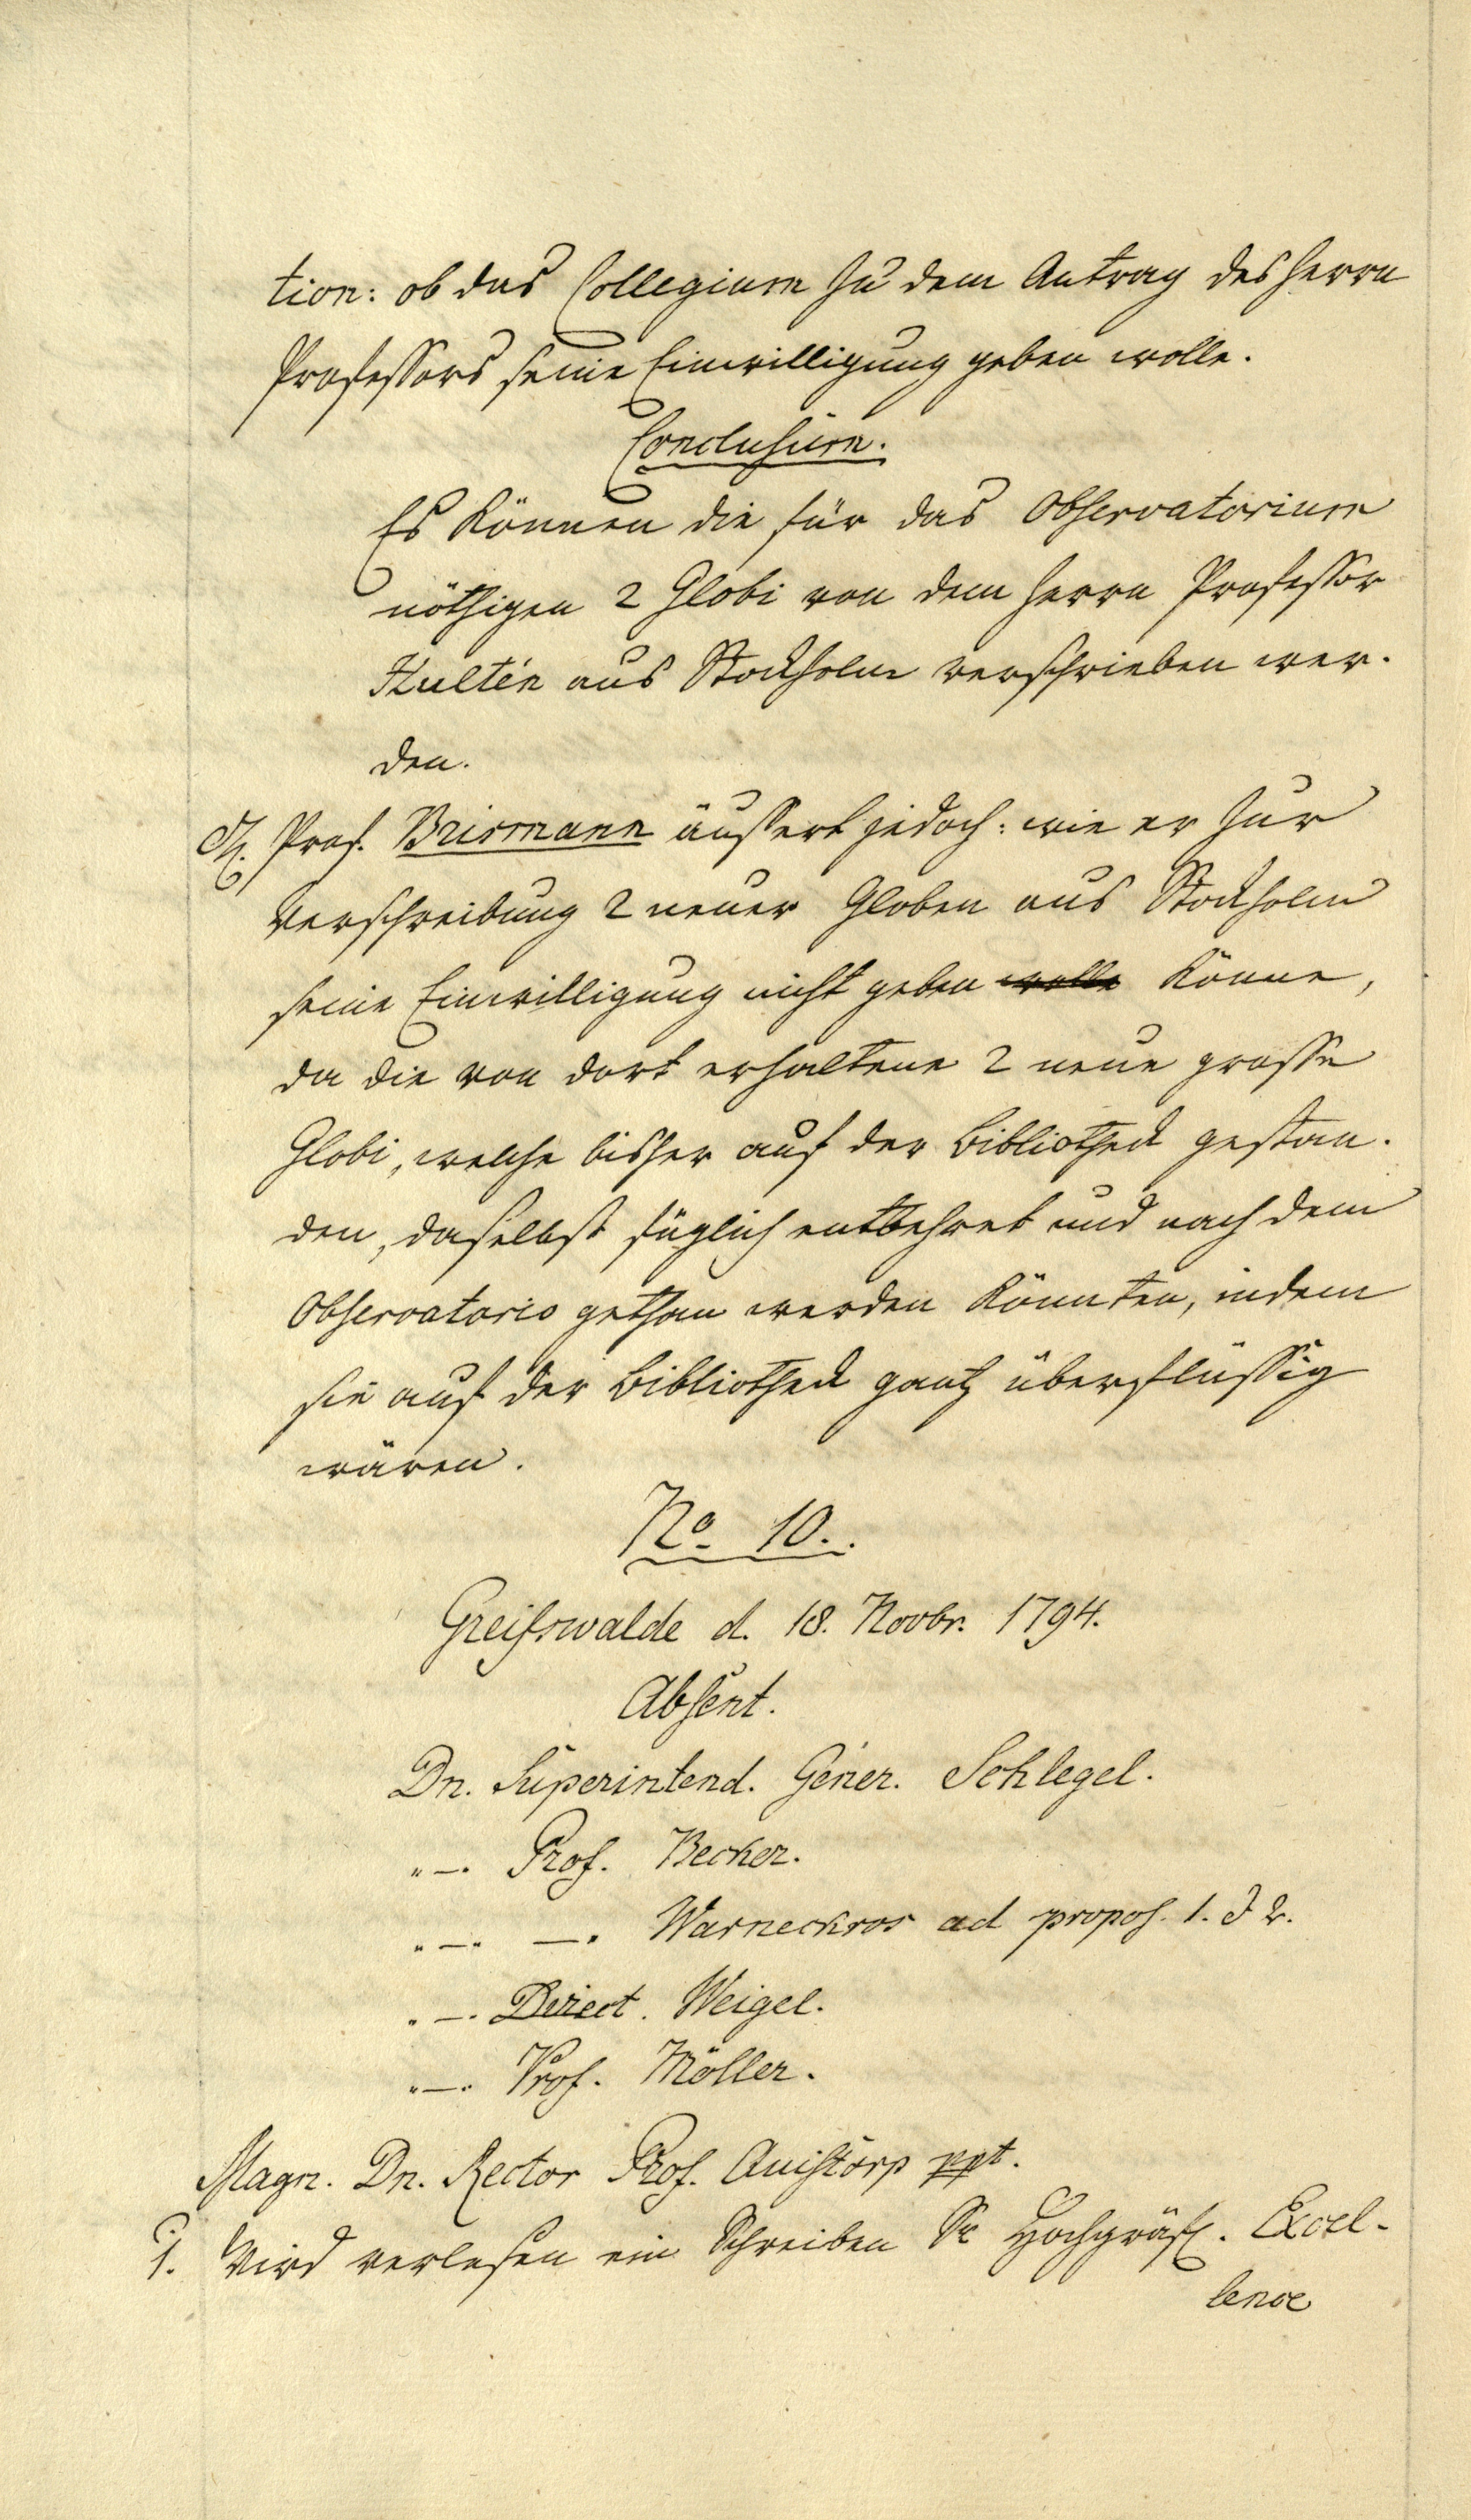tion: ob das Collegium zu dem Antrag des Herrn
Professors seine Einwilligung geben wolle.
Conclusum.
Es können die für das Observatorium
nöthigen 2 Globi von dem Herrn Professor
Hultén aus Stockholm verschrieben wer-
den.
dh. Prof. Brismann äussert jedoch: wie er zur
Verschreibung 2 neuer Globen aus Stockholm
seine Einwilligung nicht geben wolle könne,
da die von dort erhaltene 2 neue grosse
Globi, welche bisher auf der Bibliotheck gestan¬
den, daselbst füglich entbehret und nach dem
Observatario gethan werden könnten, indem
sie auf der Bibliotheck gantz überflüssig
wären.
No 10.
Greifswalde d. 18. Novbr. 1794.
Absent.
Dn. Superintend. Gener. Schlegel.
Prof. Becker.
Warneckros ad propos. 1. et 2.
Direct. Weigel.
Prof. Möller.
Magn. Dn. Rector Prof. Quistorp ppt.
1. Wird verlesen ein Schreiben Sr Hochgräfl. Excel¬
lence